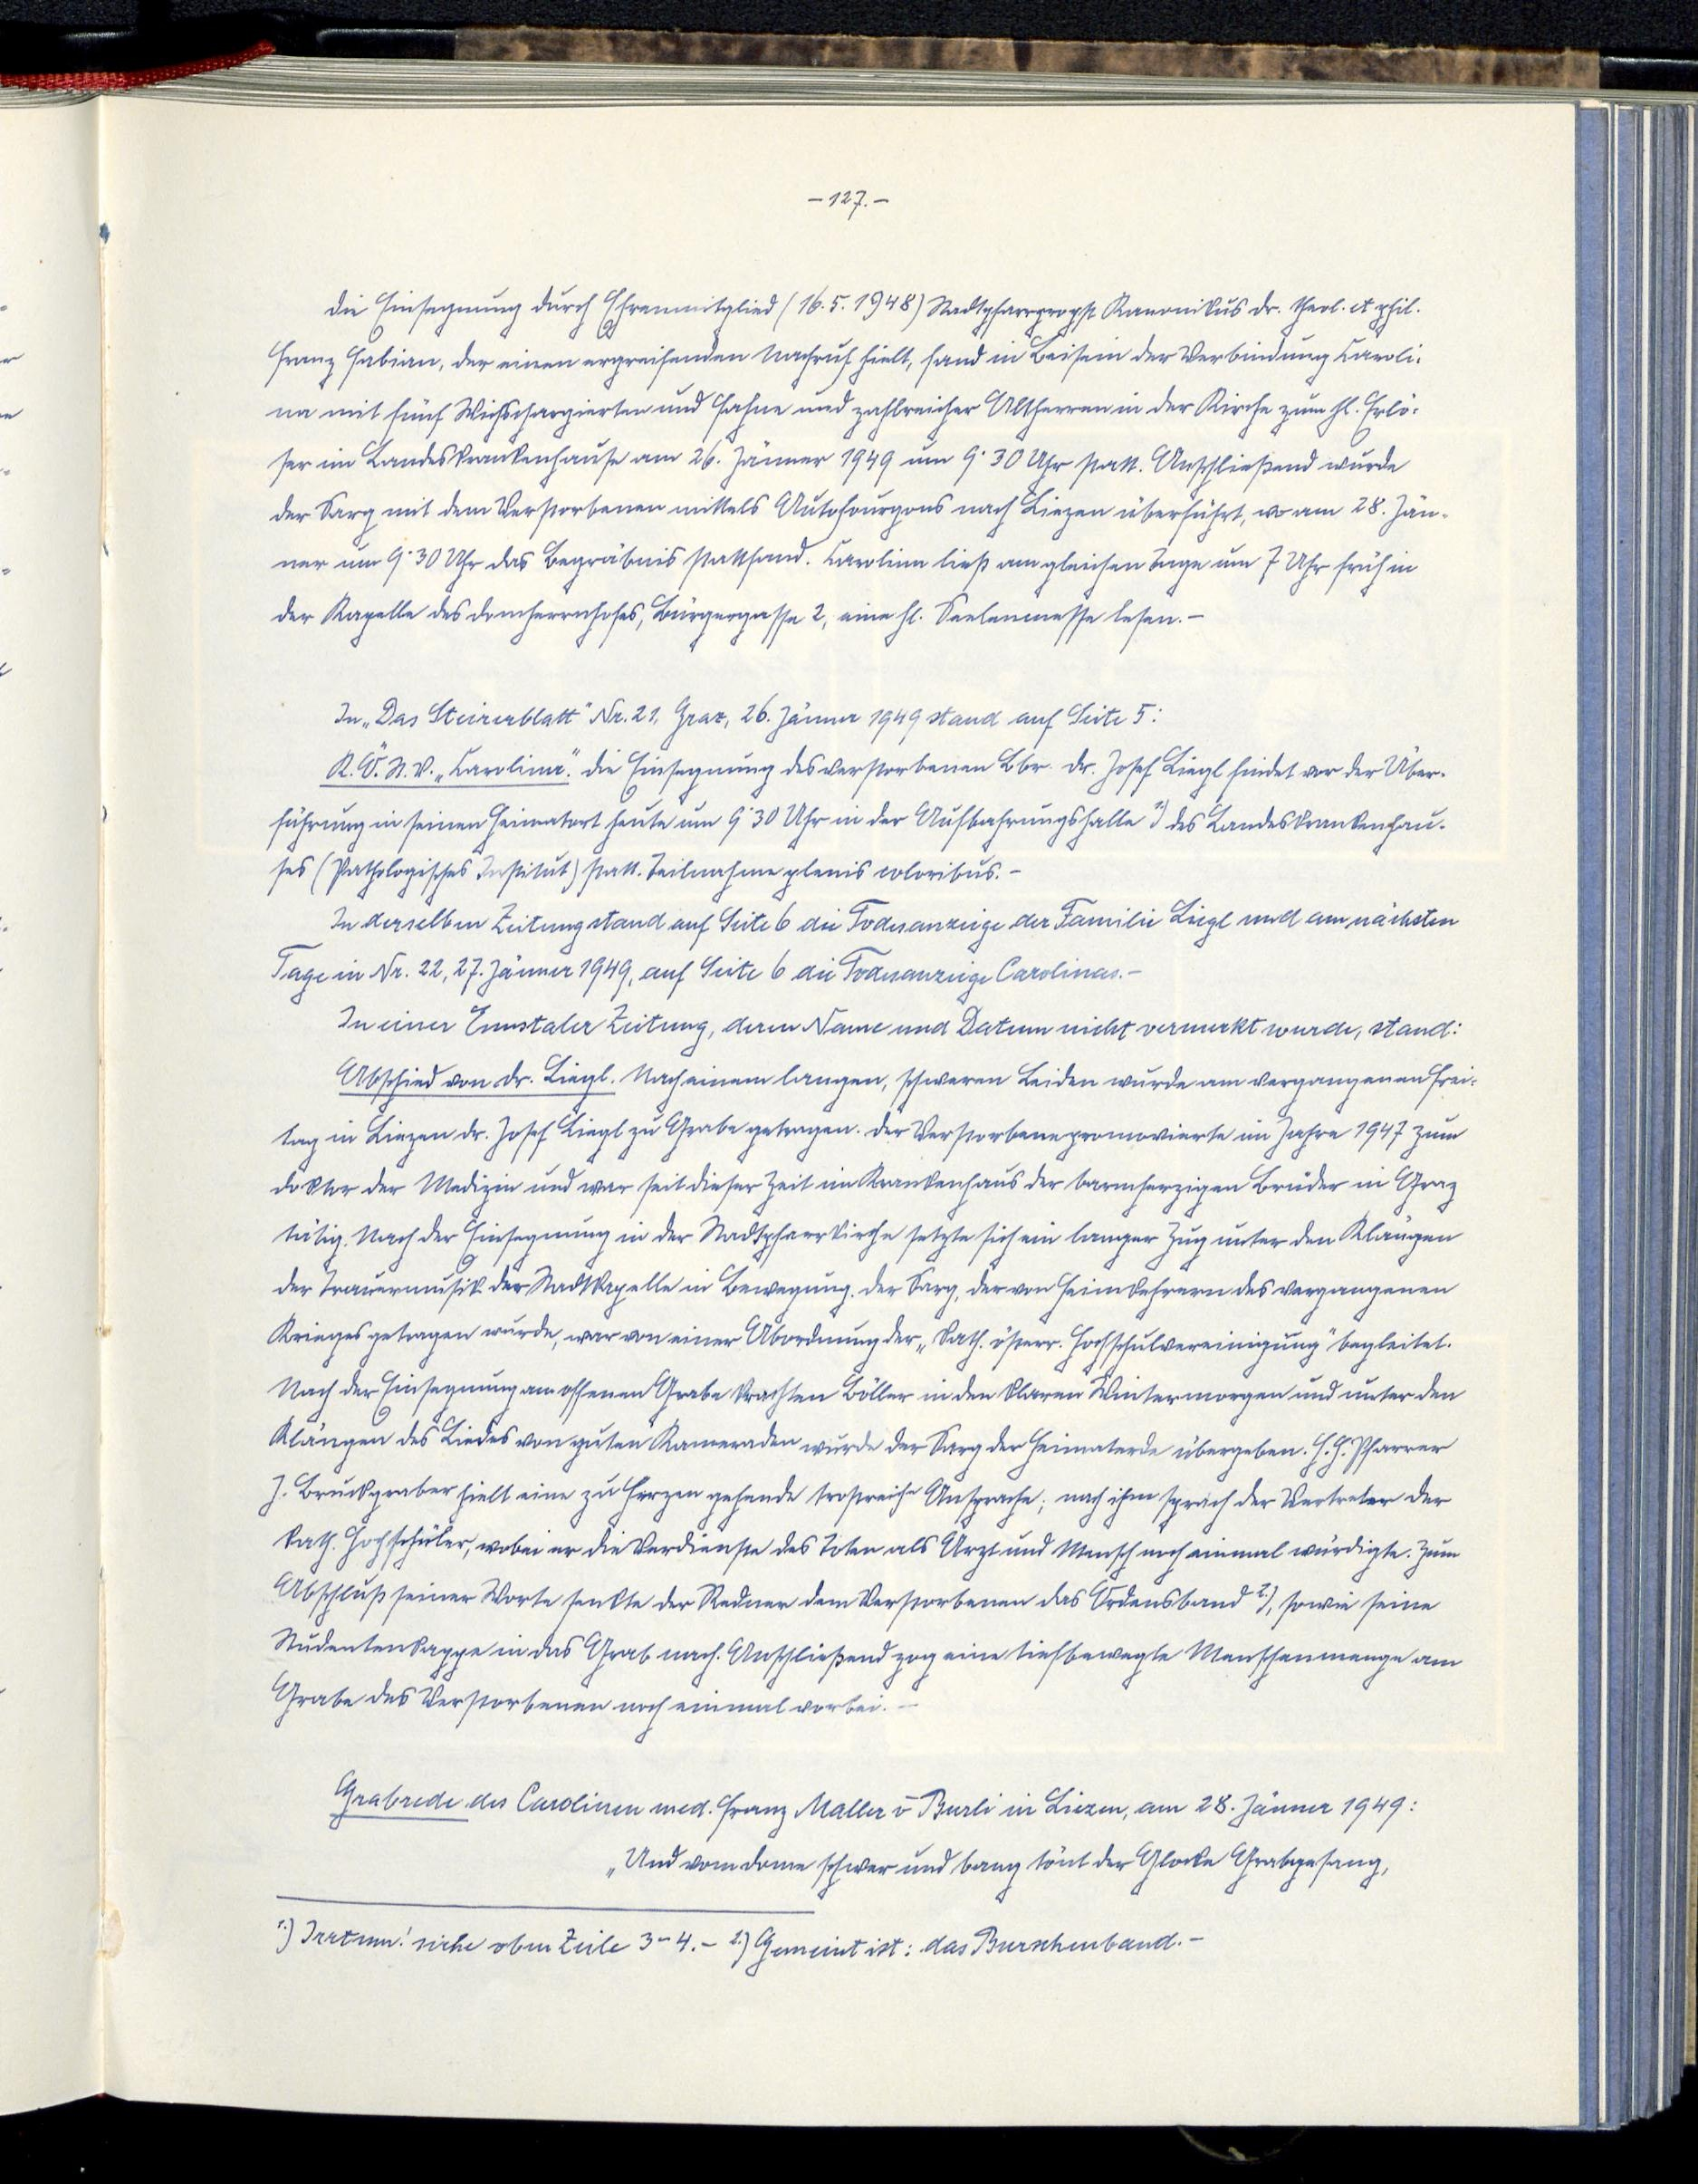127-
die Einsegnung durch Ehrenmitglied (16. 5. 1948) am Stadtpfarrpropst Kanonikus Dr. theol. et phil.
Franz Fabian, der einen ergreifenden Nachruf hielt, fand in Beisein der Verbindung Caroli-
na mit fünf Wichschargierten und Fahne und zahlreicher Altherren in der Kirche zum hl. Erlö-
ser im Landeskrankenhause am 26. Jänner 1949 nun 9.30 Uhr statt. Auschließend wurde
der Sarg mit dem Verstorbenen mittels Autofourgons nach Liezen überführt, wo am 28. Jän-
ner um 9.30 Uhr das Begräbnis stattfand. Carolina ließ am gleichen Tage um 7 Uhr früh in
der Kapelle des Domherrenhofes, Bürgergasse 2, eine hl. Seelenmesse lesen.
In "Das Steirerbatt"“ Nr. 21 Graz, 26. Jänner 1949 stand auf Seite 5:
K. Ö. St. V „Carolina". Die Einsegnung des verstorbenen Bbr Dr. Josef Liegl findet vor der Über-
führung in seinen Heimtort heute um 9.30 Uhr in der Aufbahrungshalle 3) der Landeskrankenhau-
es (Pathologisches Institut) statt. Teilnahme plenis coloribus.
In derselben Zeitung stand auf Seite 6 die Todesanzeige der Familie Liegl und am nächsten
Tage in Nr. 22., 7. Jänner 1949, auf Seite 6 die Traueranzeige Carolinas.
In einer Ennstaler Zeitung, deren Name und Datum nicht vermerkt wurde, stand:
Abschied von Dr. Liegl. Nach einem langen, schweren Leiden wurde an vergangenen Frei-
tag in Liezen Dr. Josef Liegl zu Grabe getragen. Der Verstorbene promovierte im Jahre 1947 zum
Doktor der Medizin und war seit dieser Zeit im Krankenhaus der barmherzigen Brüder in Graz
tätig. Nach der Einsegnung in der Stadtpfarrkirche setzte sich ein langer Zug unter den Klängen
der Trauermusik der Stadtkapelle in Bewegung. Der Sarg, der von Heimkehrern des vergangenen
Krieges getragen wurde, war von einer Abordnung der kath österr. Hochschulvereinigung begleitet.
Nach der Einsegnung qm offenen Grabe krachten Böller in den klaren Wintermorgen und unter den
Klängen des Liedes vom guten Kameraden wurde der Sarg der Heimaterde übergehen. H. H. Pfarrer
J. Bruckgraber hielt eine zu Herzen gehende trostreiche Ansprache; nach ihm sprach der Vertreter der
kath. Hofschüler, wobei er die Verdienste des Toten als Arzt und Mensch noch einmal würdigte. Zum
Abschluß seiner Worte senkte der Redner dem Verstorbenen das Ordensband 2), sowie seine
Studentenkappe in das Grab nach. Anschließend zog eine tiefbewegte Menschnmenge am
Grabe des Verstorbenen noch einmal vorbei.-
Grabrede des Carolinen med. Franz Maller v/o Burli in Liezen, am 28. Jänner 1949:
"Und vom Dome schwer und bang tönt der Glocke Grabgesang,
1) Irrtum! siehe oben Zeile 3 -4.- 2) Gemeint ist: das Burschenband.